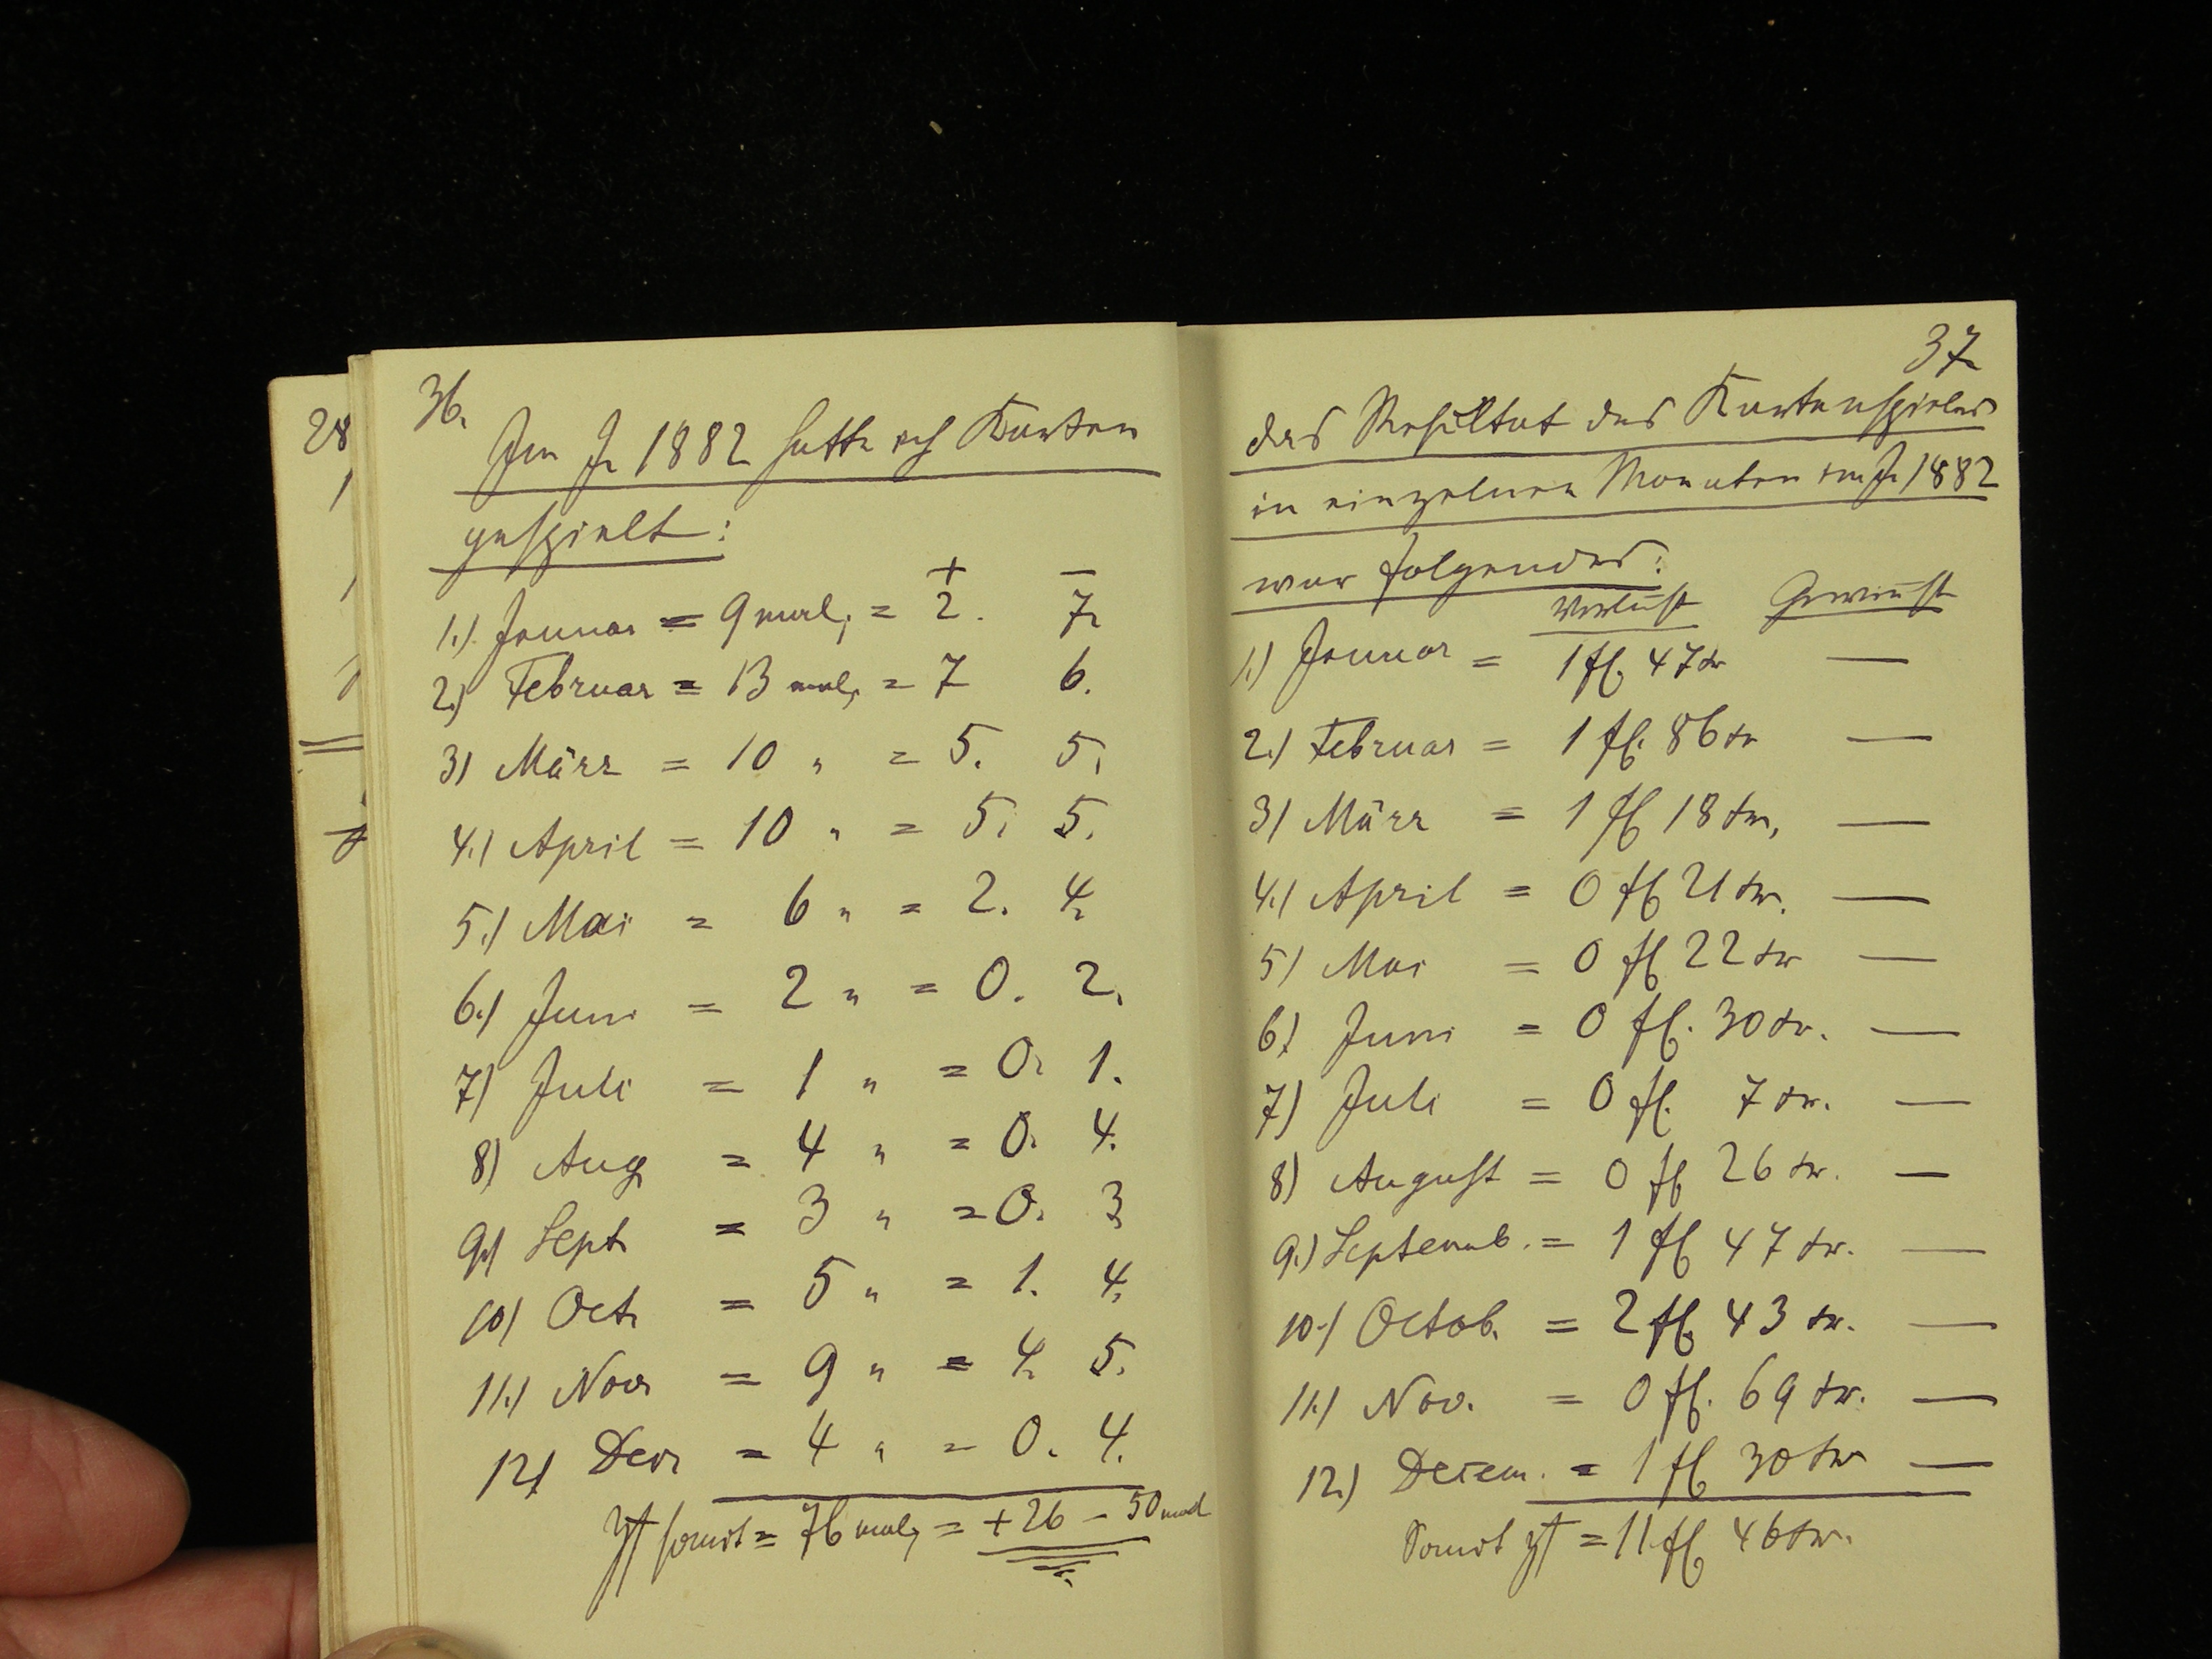36
Im Jahr 1882 hatte ich Karten
gespielt:
+ -
1.) Im Januar = 9 mal = 2 7
2.) Februar = 13 mal = 7 6
3.) März = 10 mal = 5 5
4.) April = 10 mal = 5 5
5.) Mai = 6 mal = 2 4
6.) Juni = 2 mal = 0 2
7.) Juli = 1 mal = 0 1
8.) August = 4 mal = 0 4
9) Sept. = 3 mal = 0 3
10.) Oct. = 5 mal = 1 4
11.) Nov. = 9 mal = 4 5
12.) Dec. = 4 mal = 0 4
Zusammen somit = 76 mal = +26 -50 mal
37
Das Resultat des Kartenspiels
in einzelnen Monaten im Jahre 1882
war folgendes:
Verlust Gewinst
1.) Januar = 1 fl 47 tr --
2.) Februar = 1 * 86 * --
3.) März = 1 * 18 * --
4.) April = 0 * 21 * --
5.) Mai = 0 * 22 * --
6.) Juni = 0 * 30 * --
7.) Julie = 0 * 7 * --
8.) August = 0 * 26 * --
9.) Septemb. = 1 * 47 * --
10.) Octob. = 2 * 43 * --
11.) Novem. = 0 * 69 * --
12.) Decem. = 1 * 30 * --
Somit zusammen = 11 * 46 *